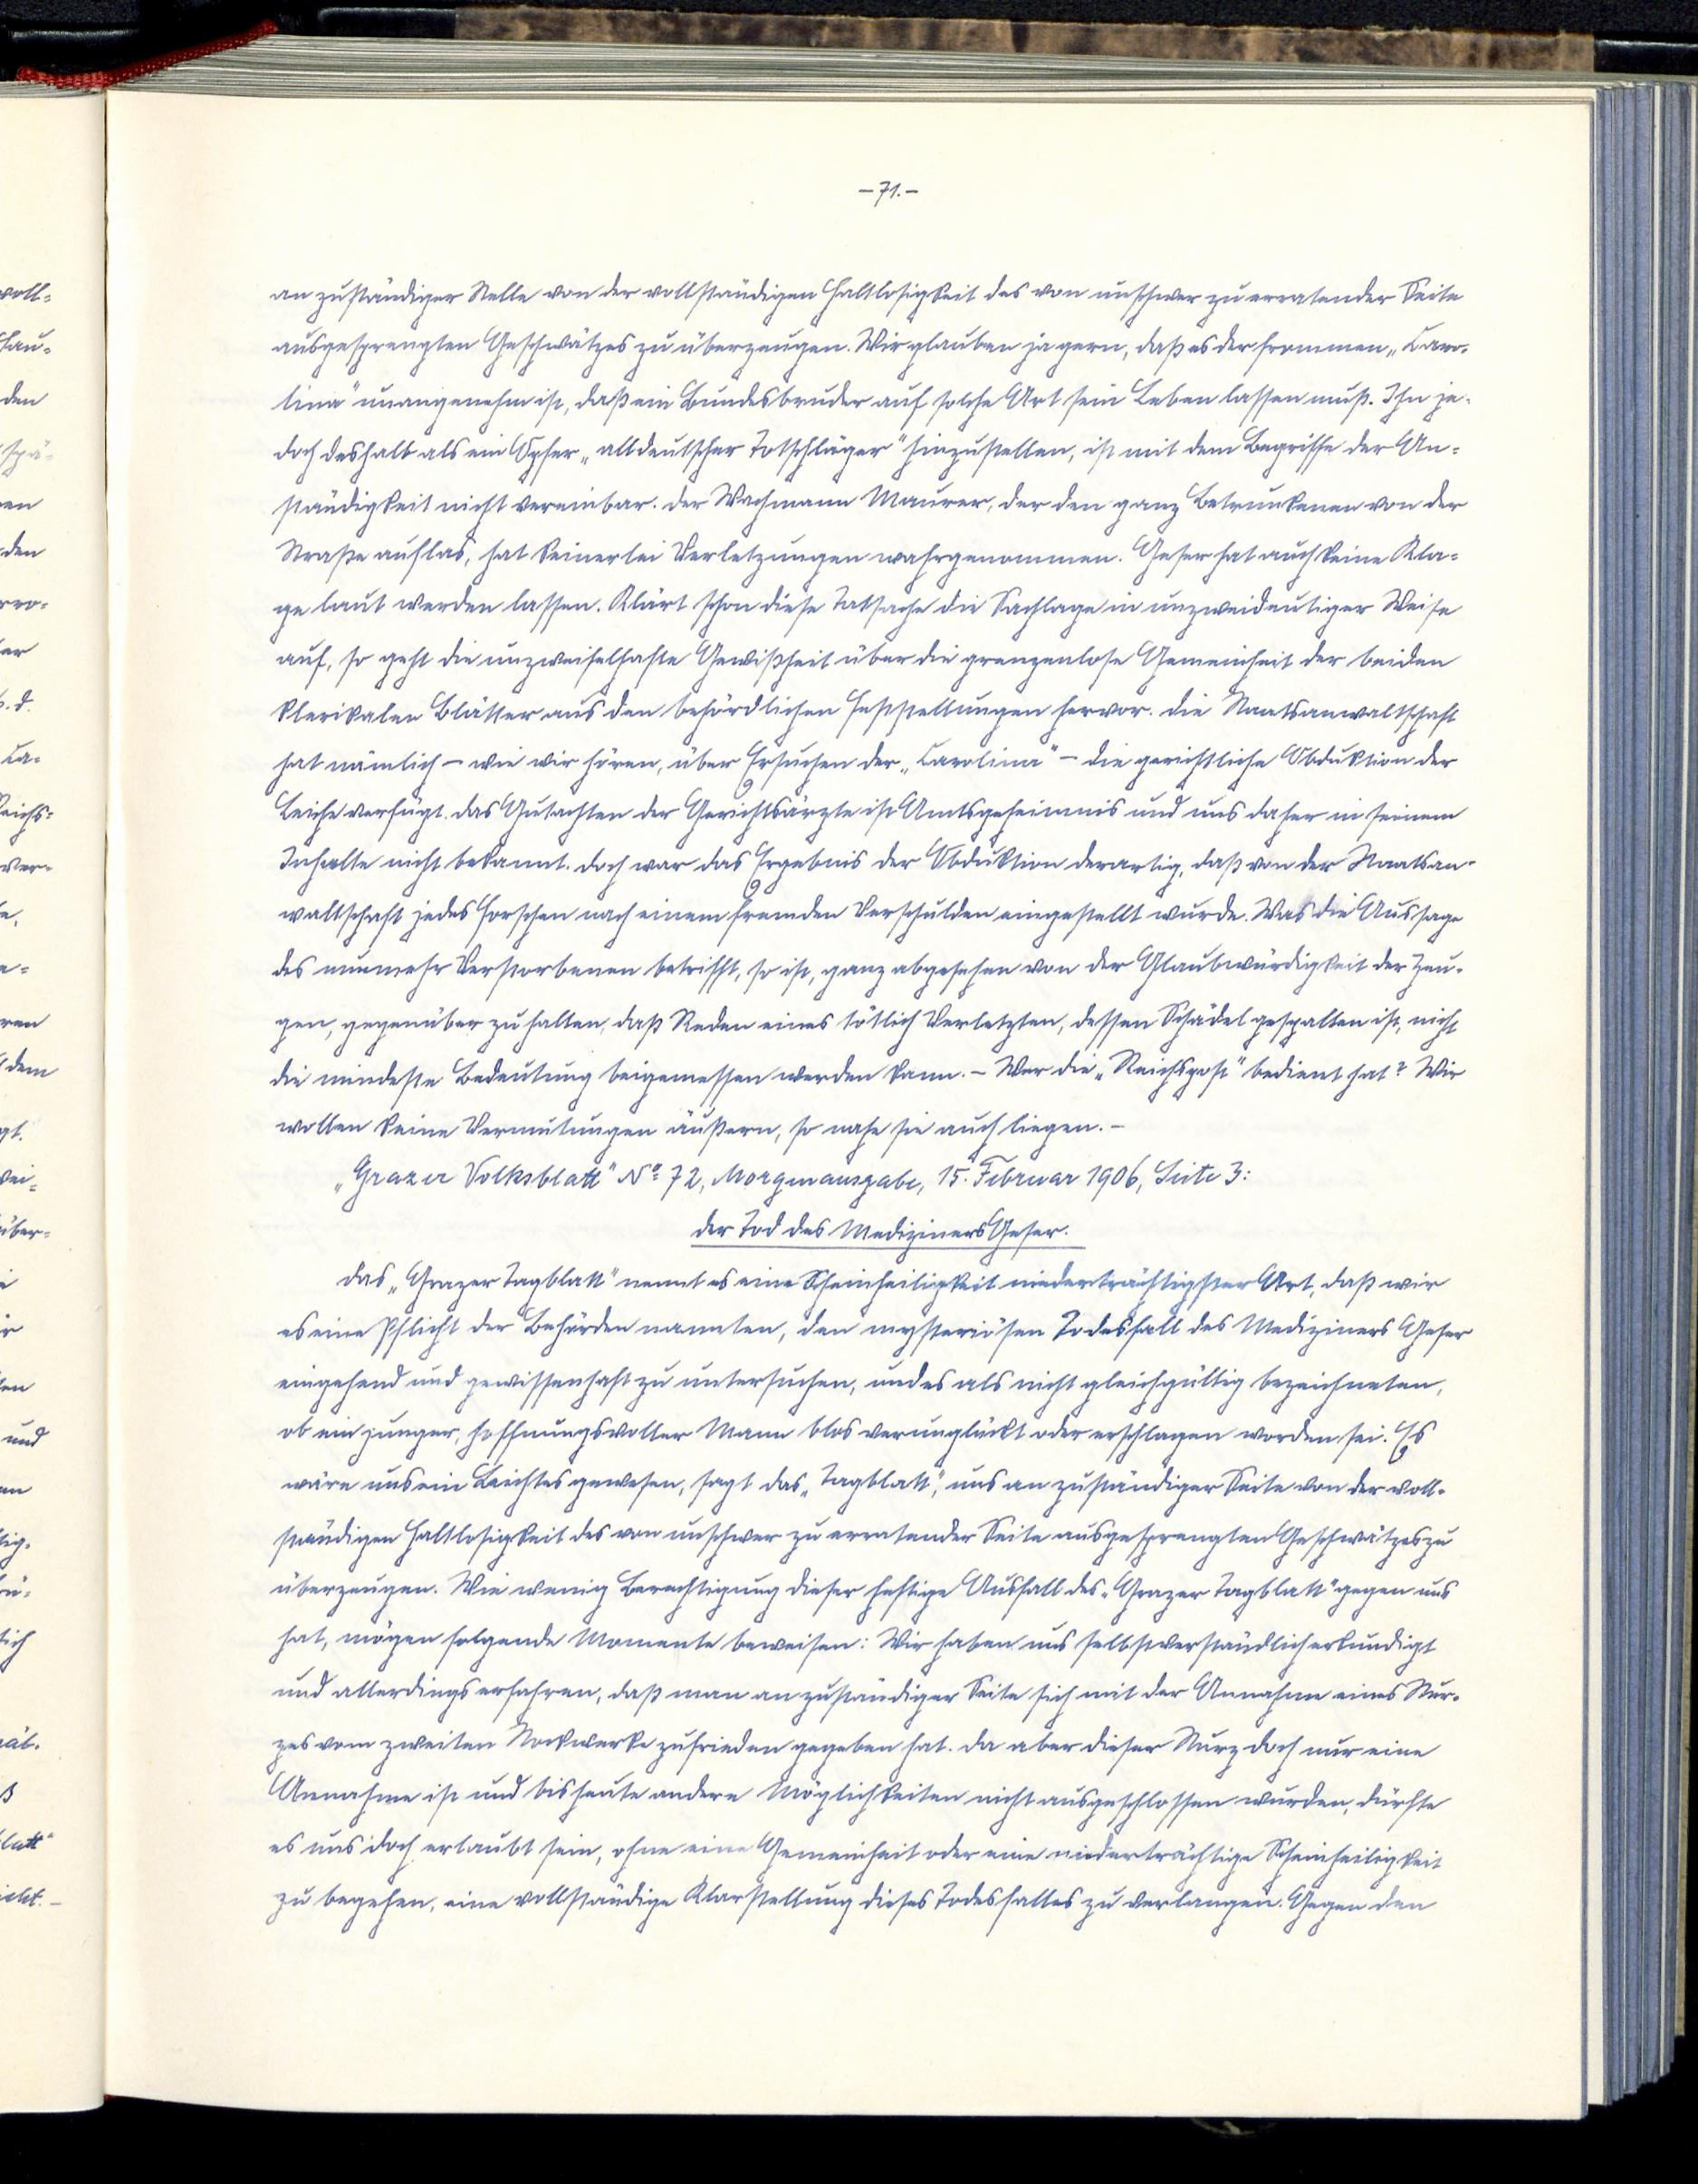71
an zuständiger Stelle von der vollständige Haltlosigkeit des von unschwer zu erratender Seite
ausgesprengten Geschwätzes zu überzeugen. Wir glauben ja gern, dass es der frommen „Caro-
lina“ unangenehm ist, dass ein Bundesbruder auf solche Art sein Leben lassen muß. Ihn je-
doch deshalb als ein Opfer „alldeutscher Totschläger“ hinzustellen, ist mit dem Begriffe der An-
ständigkeit nicht vereinbar. Der Wachmann Maurer, der den ganz Betrunkenen von der
Straße auflas, hat keinerlei Verletzungen wahrgenommen. Geser hat auch keine Kla-
ge laut werden lassen. Klärt schon diese Tatsache die Sachlage im unzweideutige Weise
auf, so geht die unzweifelhafte Gewissheit über die grenzenlose Gemeinheit der beiden
klerikalen Blätter aus den behördlichen Feststellungen hervor, die Staatsanwaltschaft
hat nämlich - wie wir hören, über Ersuchen der „Carolina“ -die gerichtliche Obduktion der
Leiche verfügt. Das Gutachten der Gerichtsärzte ist Amtsgeheimnis und uns daher in seinem
Inhalte nicht bekannt. Doch war das Ergebnis der Obduktion derartig, dass von der Staatsan-
waltschaft jedes Forschen nach einem fremden Verschulden eingestellt wurde. Was die Aussage
des nunmehr Verstorbenen betrifft, so ist, ganz abgesehen von der Glaubwürdigkeit der Zeu-
gen, gegenüber zu halten, das Reden eines tötlich Verletzten, dessen Schädel gespalten ist, nicht
die mindeste Bedeutung beigemessen werden kann. Wer die „Reichspost“ bedient hat? Wir
wollen keine Vermutungen äußern, so nahe sie auch liegen.
„Grazer Volksblatt“ Nummer 72, Morgenausgabe, 15. Februar 1906, Seite 3:
Der Tod des Mediziners Geser
Das „Grazer Tagblatt“ nennt es eine Scheinheiligkeit niederträchtigster Art, daß wir
es eine Pflicht der Behörde nannten, den mysteriösen Todesfall des Mediziners Geser
eingehend und gewissenhaft zu untersuchen, und es deshalb nicht gleichgültig bezeichneten,
ob ein junger, hoffnungsvoller Mann bloß verunglückt oder erschlagen worden ist. Es wäre
uns ein Leichtes gewesen, sagt das „Tagblatt“, uns an zuständiger Seite von der voll-
ständigen Haltlosigkeit des von unschwer zu erratender Seite ausgesprengten Geschwätzes zu
überzeugen. Wie wenig Berechtigung dieser heftige Ausfall des „Grazer Tagblatt“ gegen uns
hat, mögen folgende Momente beweisen: Wir haben uns selbst selbstverständlich erkundigt
und allerdings erfahren, dass man an zuständiger Seite sich mit der Annahme eines Stur-
zes vom zweiten Stockwerke zufriedengegeben hat. Da aber dieser Sturz doch nur eine
Annahme ist und bis heute andere Möglichkeiten nicht ausgeschlossen wurden, dürfte
es uns doch erlaubt sein, ohne eine Gemeinheit oder eine niederträchtige Scheinheiligkeit
zu begehen, eine vollständige Klarstellung des Todesfalles zu verlangen. Gegen den